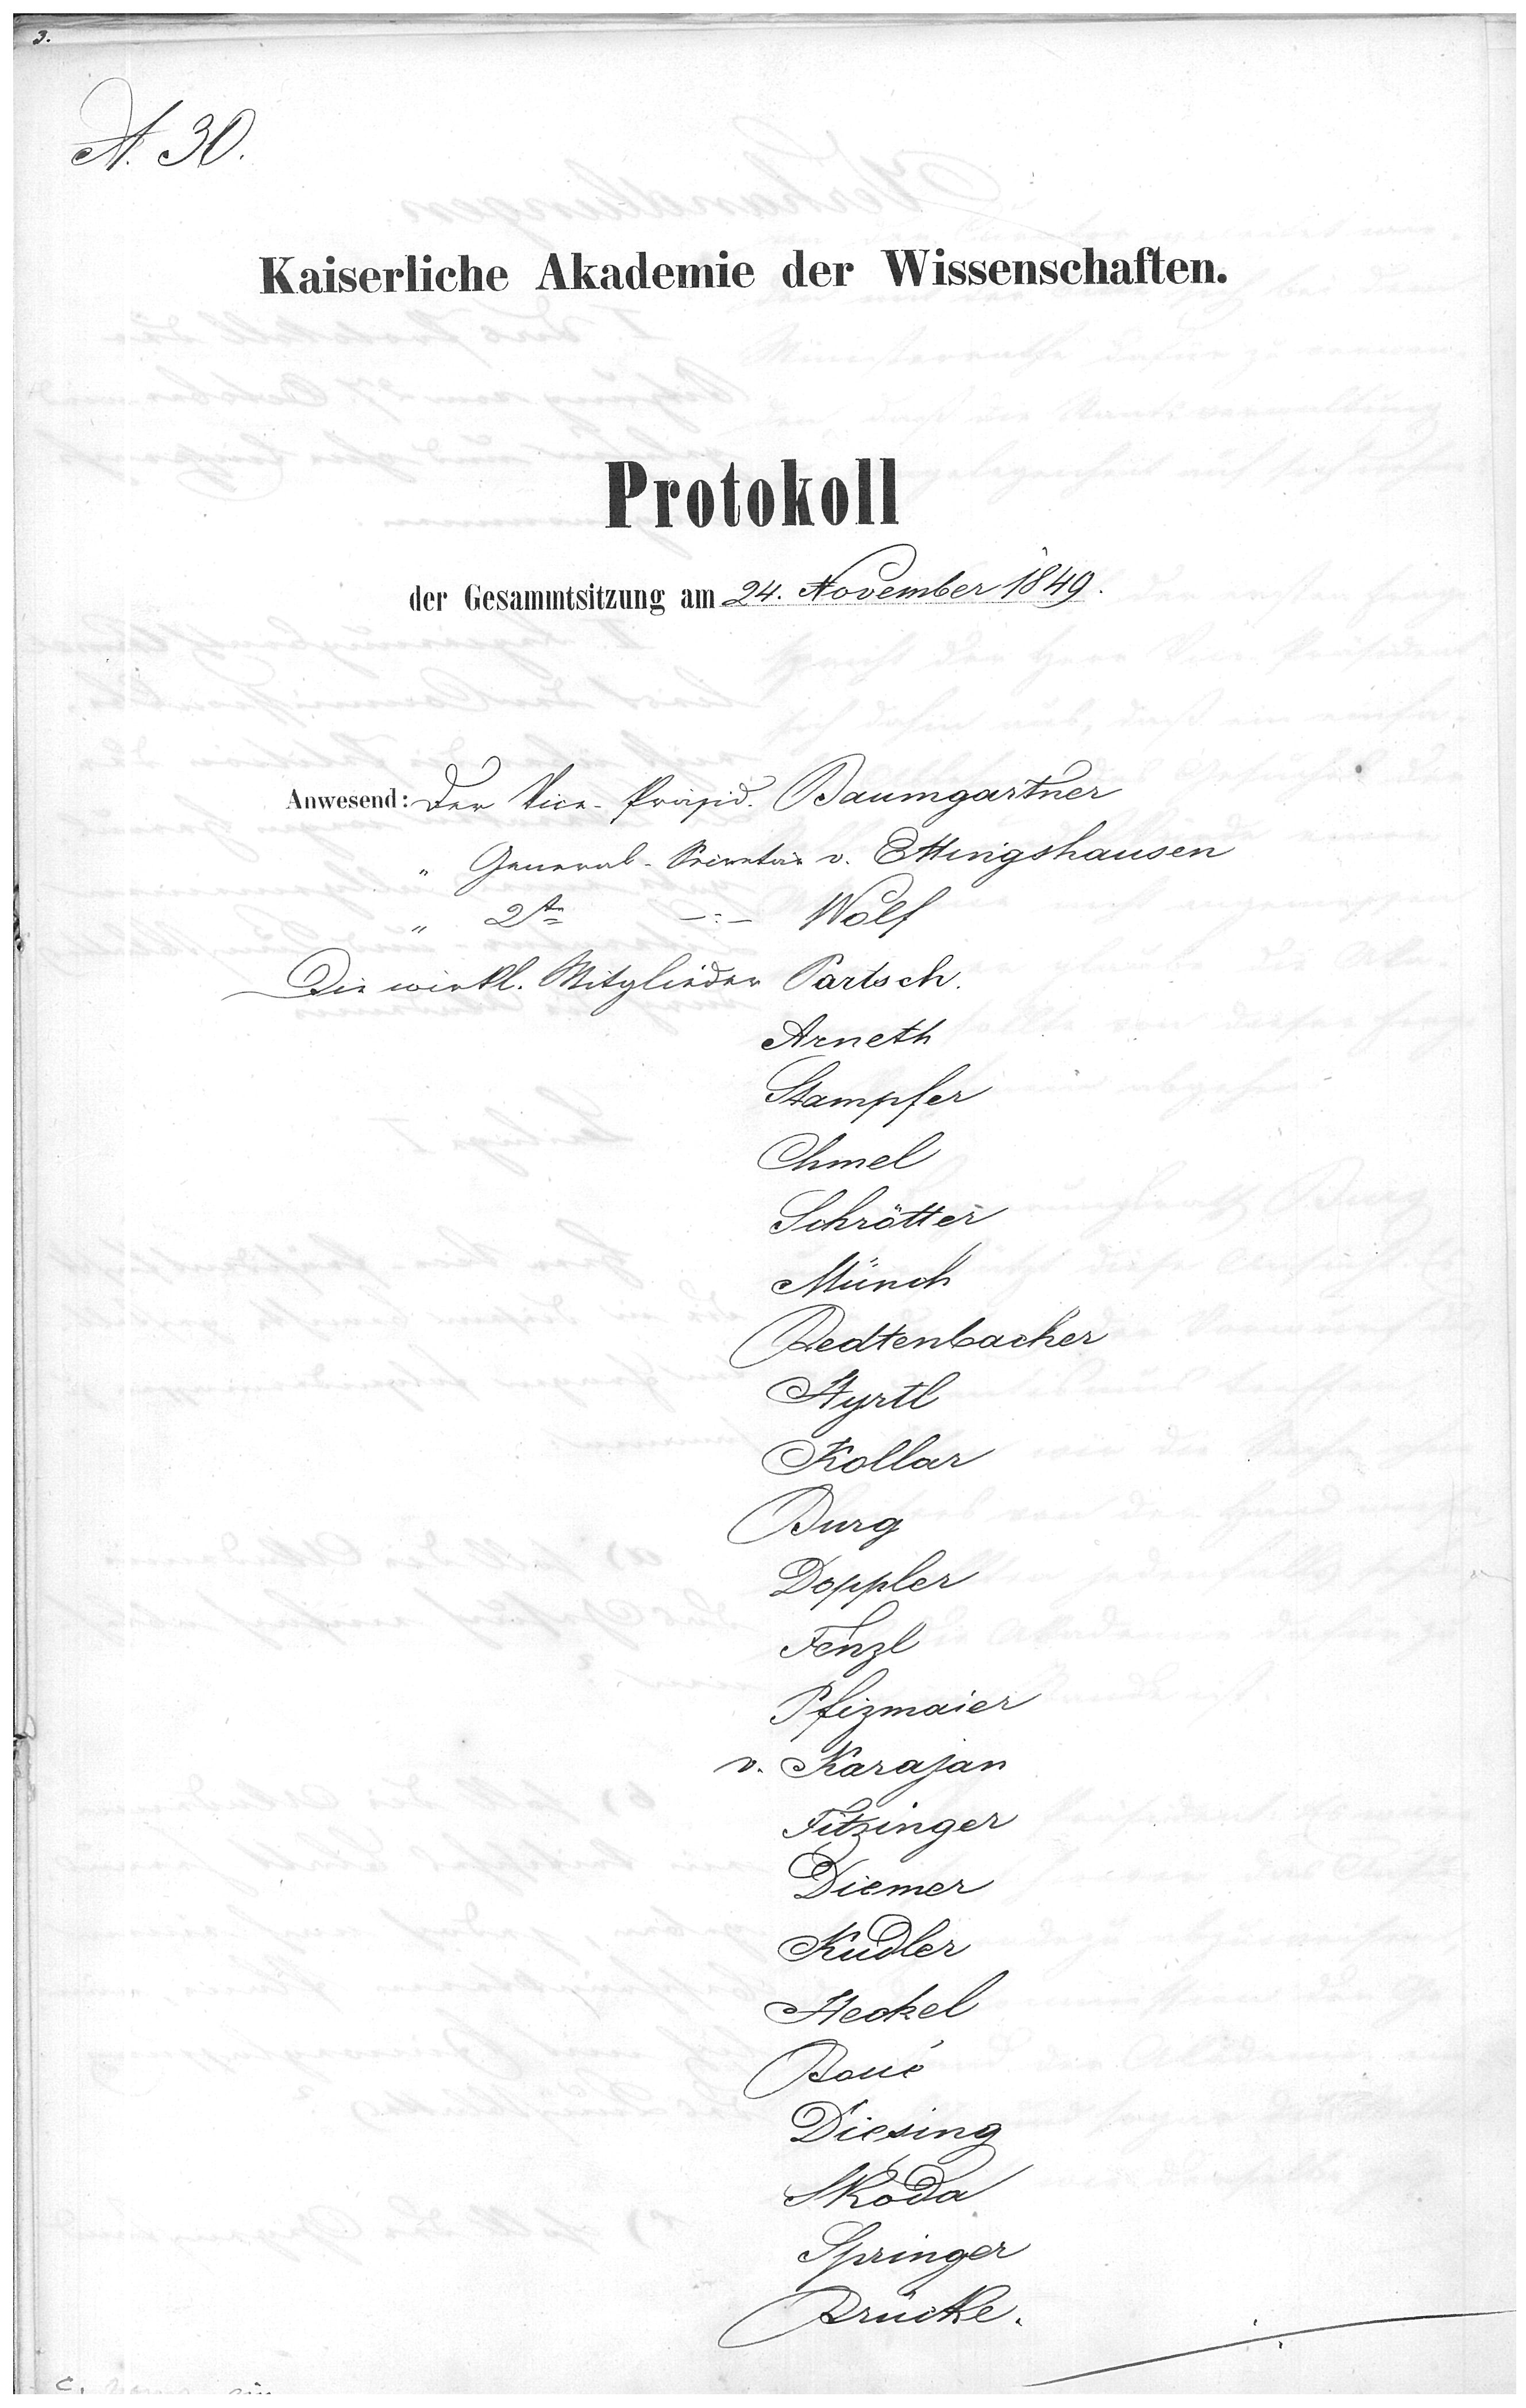A. 30.
Kaiserliche Akademie der Wissenschaften.
Protokoll
der Gesammtsitzung am 24. November 1849
die Vice-Präesid. Baumgartner
" General-Secretär v. Ettingshausen
" 2te -"- Wolf
Anwesend:
Die wirkl. Mitglieder Partsch
Arneth
Stampfer
Chmel
Schrötter
Münch
Redtenbacher
Hyrtl
Kollar
Burg
Doppler
Fenzl
Pfizmaier
v. Karajan
Fitzinger
Diemer
Kudler
Heckel
Boué
Diesing
Skoda
Springer
Brücke.